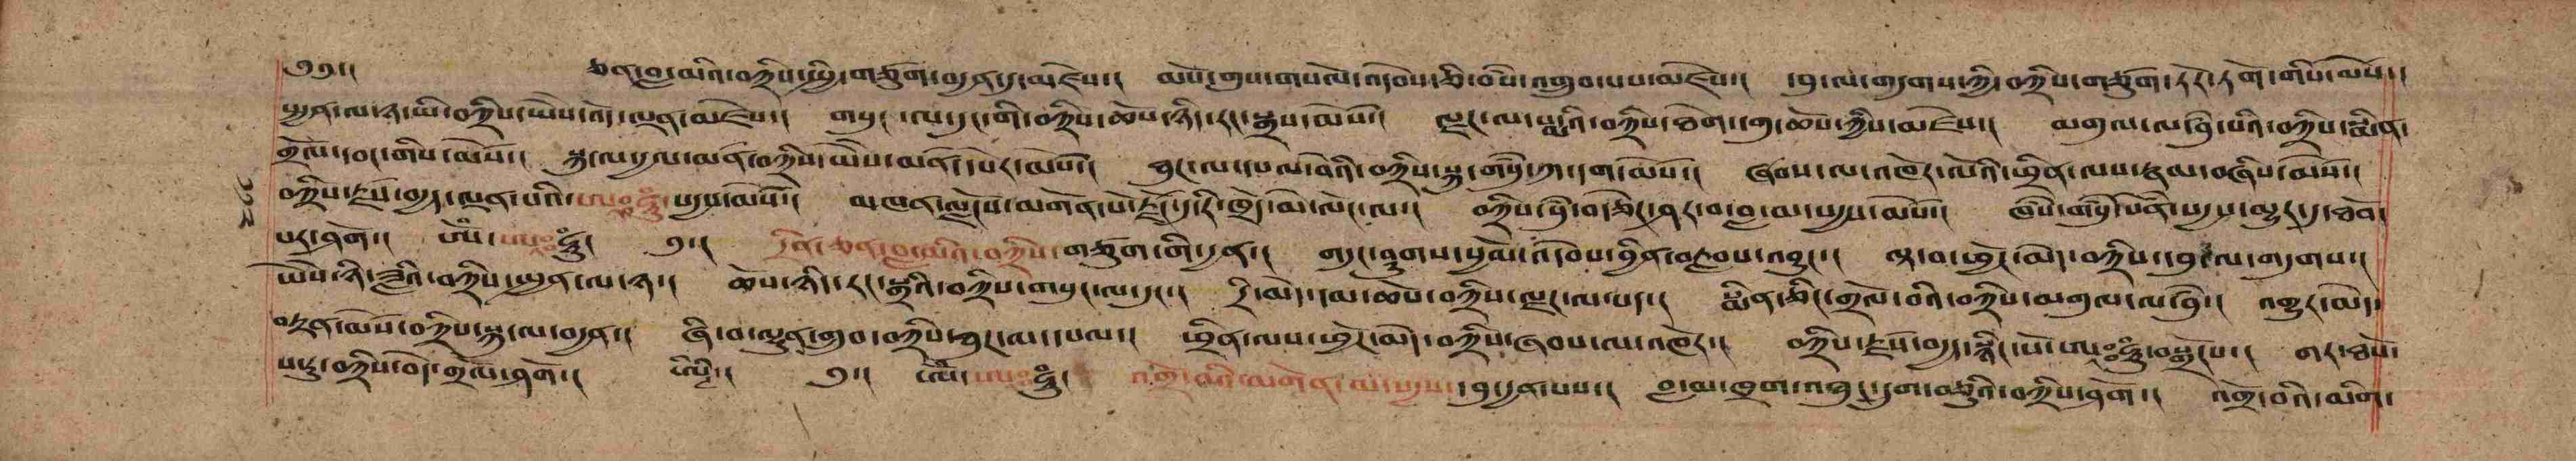༄༅།། ཅན་བླ་མའི་བཀྲ་ཤིས་སྤྱི་གཙུག་རྒྱན་དུ་མཛེས།། མོས་གུས་གསོལ་འདེབས་ཅི་བསམ་འགྲུབ་པས་མཛེས།། དབུ་ལ་གདུགས་ཀྱི་བཀྲ་ཤིས་གཙུག་ཏོར་ཏོག་གིས་མཛེས།། 
སྤྱན་ལ་ཉ་ཡི་བཀྲ་ཤིས་འོད་ལྡན་མཛེས།། གསུང་ལ་དུང་གི་བཀྲ་ཤིས་ཆོས་ཉིད་རང་སྒྲས་མཛེས།། ལྗགས་ལ་པདྨའི་བཀྲ་ཤིས་ཐེག་དགུ་ཆོས་ཀྱིས་མཛེས།། མགུལ་ལ་བུམ་པའི་བཀྲ་ཤིས་སྨིན་
གྲོལ་དབང་གིས་མཛེས།། སྐུ་ལ་རྒྱལ་མཚན་བཀྲ་ཤིས་ཡེ་ཤེས་མཚན་དཔེར་མཛེས།། ཐུགས་ལ་དཔལ་བེའི་བཀྲ་ཤིས་སྐུ་གསུམ་ཀ་དག་མཛེས།། ཞབས་ལ་འཁོར་ལོའི་ཕྲིན་ལས་རྣམ་བཞིས་མཛེས།། 
བཀྲ་ཤིས་རྫས་བརྒྱད་ལྡན་པའི་ཨཱཿཧཱུཾ་སངས་རྒྱས་མཛེས།། མཁན་ལྗོངས་མགོན་པོ་རྫོང་དུ་རི་ཁྲོད་མེ་ལོང་ལ།། བཀྲ་ཤིས་སུམ་བརྩེགས་ཤར་བ་བླ་མ་སངས་རྒྱས་མཛེས།། ཁམས་གསུམ་སེམས་ཅན་སངས་རྒྱས་མྱུར་དུ་ཐོབ་
པར་ཤོག། ཨོཾ་ཨཱཿཧཱུཾ།། ༄་། དྲིན་ཅན་བླ་མའི་བཀྲ་ཤིས་གཙུག་གི་རྒྱན།། གདུང་ཤུགས་གསོལ་འདེབས་བྱིན་རླབས་འབྱུང་།། ལྟ་བ་ཕྱོགས་མེད་བཀྲ་ཤིས་དབུ་ལ་གདུགས།། 
ཡེ་ཤེས་ཉི་ཟླའི་བཀྲ་ཤིས་སྤྱན་ལ་ཉ།། ཆོས་ཉིད་རང་སྒྲའི་བཀྲ་ཤིས་གསུང་ལ་དུང་།། དྲི་མེད་དམ་ཆོས་བཀྲ་ཤིས་ལྗགས་ལ་པད།། སྨིན་ཅིང་གྲོལ་བའི་བཀྲ་ཤིས་མགུལ་ལ་བུམ།། འགྱུར་མེད་
བརྟན་མཛེས་བཀྲ་ཤིས་སྐུ་ལ་བརྒྱན།། ཞི་བ་ལྷུན་གྲུབ་བཀྲ་ཤིས་ཐུགས་ལ་དཔལ།། ཕྲིན་ལས་ཕྱོགས་མེད་བཀྲ་ཤིས་ཞབས་ལ་འཁོར།། བཀྲ་ཤིས་རྫས་བརྒྱད་སྙིང་པོ་ཨཱཿཧཱུཾ་བསྒྲོངས།། གར་ཐོས་
པ་རུ་བཀྲ་ཤིས་བདེ་གྲོལ་ཤོག། ཨིཊི།། ༄་། ཨོཾ་ཨཱཿཧཱུཾ། འགྲོ་བའི་མགོན་ལ་སངས་རྒྱས་དབུ་བརྒྱན་པས།། བླ་མ་ཁྲག་འཐུང་དྲུག་བཅུའི་བཀྲ་ཤིས་ཤོག། འགྲོ་བའི་མིག་